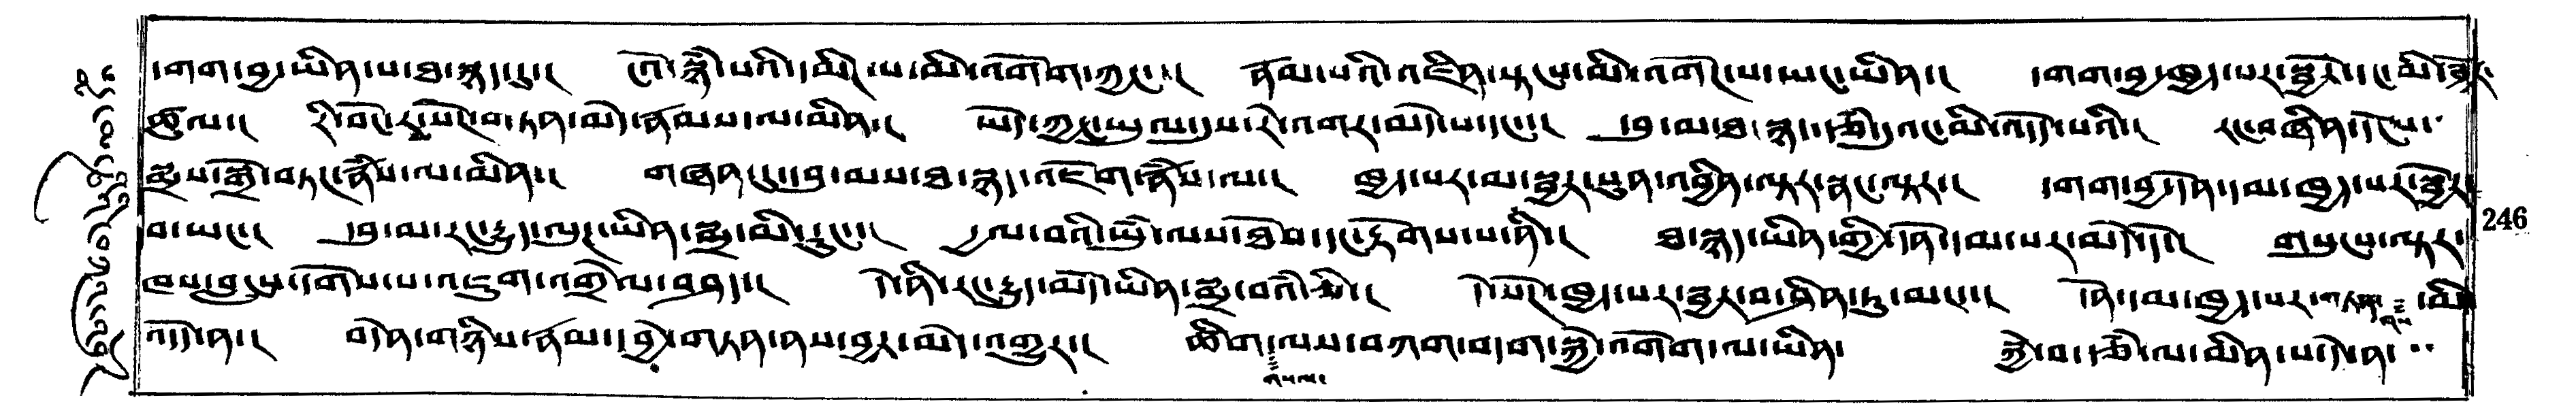དགག་བྱ་ཡིན་པ་ཐ་སྙད་དུ། །ངའོ་སྙམ་པའི་དམིགས་པ་མི་འགོག་ཀྱང་། །རྣམ་པའི་འཛིན་སྟངས་མི་འགོག་པ་ཡང་མིན། །དགག་བྱ་ཁྱད་པར་སྦྱོར་དང་མི་སྦྱོར་
ཚུལ། །རི་བོང་རྭ་སོགས་གཏན་མེད་རྣམས་ལ་མིན། །ཡོད་ཀྱང་ཡུལ་དུས་རེ་འགར་མེད་པ་དང་། །དབུ་མས་ཐ་སྙད་ཙམ་དུའང་མི་འདོད་པའི། །རང་བཞིན་དངོས་
སྨྲས་སྒྲོ་བཏགས་རྣམས་ལ་མིན། །གཞན་དུ་དབུ་མས་ཐ་སྙད་འཇོག་རྣམས་ལ། ཁྱད་པར་མ་སྦྱར་སུན་འབྱིན་ལྟར་སྣང་ལྟར། །དགག་བྱ་དོན་དམ་ཁྱད་པར་སྦྱོར་
བ་ཡང་། །དབུ་མ་རང་རྒྱུད་ལུགས་ཡིན་སྨྲ་མི་རུང་། །རྒྱལ་བའི་ཡུམ་ལས་ཐོབ་དང་རྟོགས་པ་ནི། །ཐ་སྙད་ཡིན་གྱི་དོན་དམ་པར་མེད་དོ། །གསུངས་ལྟར་
ཁས་བླང་དགོས་པ་འཇུག་འགྲེལ་བཤད། །དེ་ནི་རང་རྒྱུད་མདོ་ཡིན་སྨྲ་བའམ་ཅི། །དེ་སོགས་ཁྱད་པར་སྦྱར་བ་ཤིན་ཏུ་མང་། །དོན་དམ་ཁྱད་པར་གཏན་ནས་མི་
འདོད་ན། །བདེན་གཉིས་རྣམ་དབྱེ་གཏན་ནས་བྱར་མེད་འགྱུར། །ཚིག་གསལ་ལས་བཀག་བདག་སྐྱེ་འགོག་ལ་ཡིན། །སྐྱེ་བ་ཙམ་ལ་མིན་པ་དེ་ན་